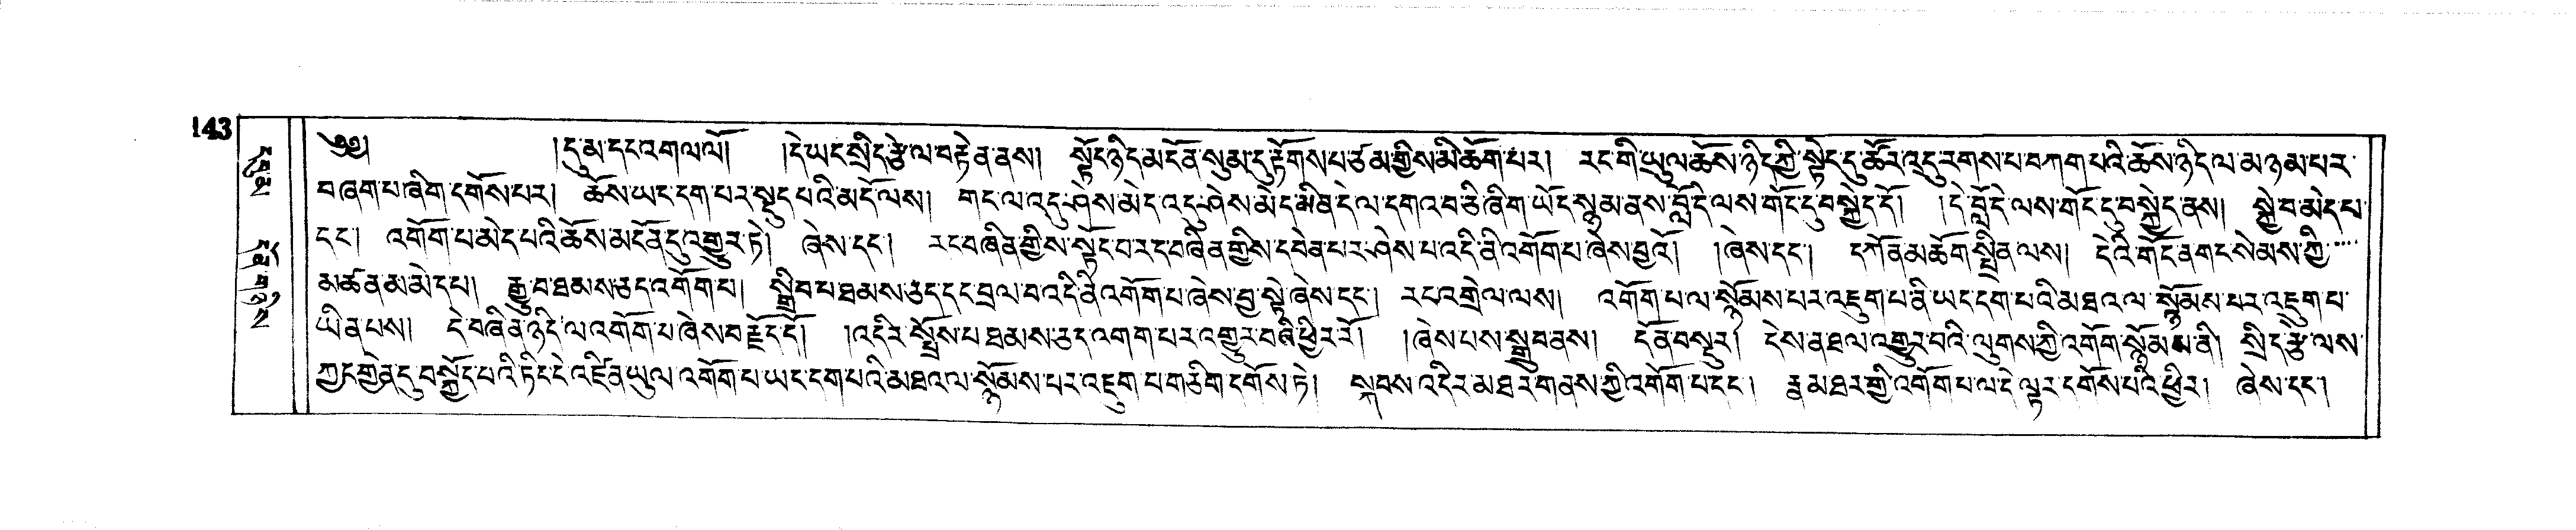༄༅། །དུ་མ་དང་འགལ་ལོ། །དེ་ཡང་སྲིད་རྩེ་ལ་བརྟེན་ནས། སྟོང་ཉིད་མངོན་སུམ་དུ་རྟོགས་པ་ཙམ་གྱིས་མི་ཆོག་པར། རང་གི་ཡུལ་ཆོས་ཉིད་ཀྱི་སྟེང་དུ་ཚོར་འདུ་རགས་པ་བཀག་པའི་ཆོས་ཉིད་ལ་མཉམ་པར་
བཞག་པ་ཞིག་དགོས་པར། ཆོས་ཡང་དག་པར་སྡུད་པའི་མདོ་ལས། གང་ལ་འདུ་ཤེས་མེད་འདུ་ཤེས་མེད་མིན་དེ་ལ་དགའ་བ་ཅི་ཞིག་ཡོད་སྙམ་ནས་བློ་དེ་ལས་གོང་དུ་བསྐྱེད་དོ། །དེ་བློ་དེ་ལས་གོང་དུ་བསྐྱེད་ནས། སྐྱེ་བ་མེད་པ་
དང་། འགོག་པ་མེད་པའི་ཆོས་མངོན་དུ་འགྱུར་ཏེ། ཞེས་དང་། རང་བཞིན་གྱིས་སྟོང་བ་རང་བཞིན་གྱིས་དབེན་པར་ཤེས་པ་འདི་ནི་འགོག་པ་ཞེས་བྱའོ། །ཞེས་དང་། དཀོན་མཆོག་སྤྲིན་ལས། དེའི་གོང་ན་གང་སེམས་ཀྱི་
མཚན་མ་མེད་པ། རྒྱུ་བ་ཐམས་ཅད་འགོག་པ། སྒྲིབ་པ་ཐམས་ཅད་དང་བྲལ་བ་འདི་ནི་འགོག་པ་ཞེས་བྱ་སྟེ་ཞེས་དང་། རང་འགྲེལ་ལས། འགོག་པ་ལ་སྙོམས་པར་འཇུག་པ་ནི་ཡང་དག་པའི་མཐའ་ལ་སྙོམས་པར་འཇུག་པ་
ཡིན་པས། དེ་བཞིན་ཉིད་ལ་འགོག་པ་ཞེས་བརྗོད་དོ། །འདིར་སྤྲོས་པ་ཐམས་ཅད་འགག་པར་འགྱུར་བའི་ཕྱིར་རོ། །ཞེས་པས་སྒྲུབ་ནས། དོན་བསྡུར། དེས་ན་ཐལ་འགྱུར་པའི་ལུགས་ཀྱི་འགོག་སྙོམས་ནི། སྲིད་རྩེ་ལས་
ཀྱང་གྱེན་དུ་བསྐྱོད་པའི་ཏིང་ངེ་འཛིན་ཡུལ་འགོག་པ་ཡང་དག་པའི་མཐའ་ལ་སྙོམས་པར་འཇུག་པ་གཅིག་དགོས་ཏེ། སྐབས་འདིར་མཐར་གནས་ཀྱི་འགོག་པ་དང་། རྣམ་ཐར་གྱི་འགོག་པ་ལ་དེ་ལྟར་དགོས་པའི་ཕྱིར། ཞེས་དང་།